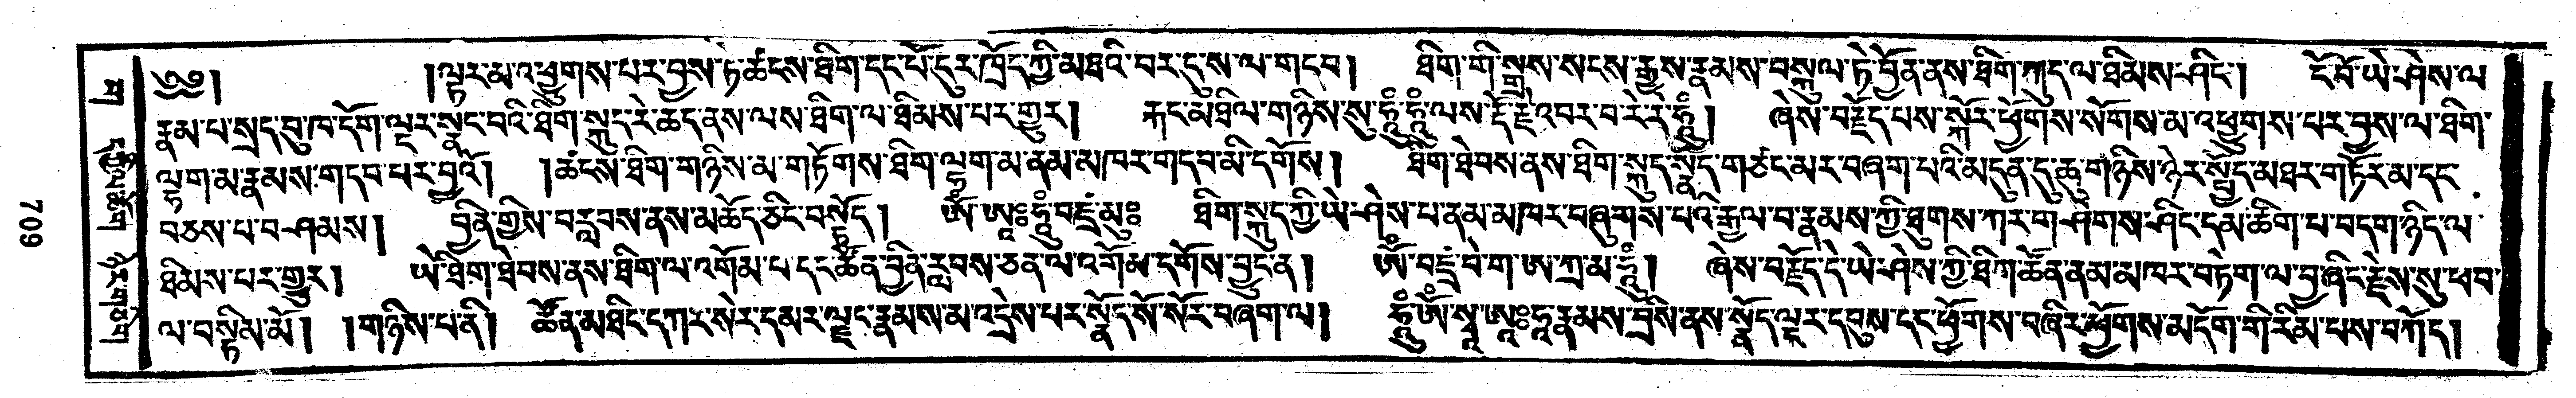༄༅། །ལྟར་མ་འཕྱུགས་པར་བྱས་ཏེ་ཚངས་ཐིག་དང་པོ་དུར་ཁྲོད་ཀྱི་མཐའི་བར་དུ་ས་ལ་གདབ། ཐིག་གི་སྒྲས་སངས་རྒྱས་རྣམས་བསྐུལ་ཏེ་བྱོན་ནས་ཐིག་ཀུད་ལ་ཐིམས་ཤིང་། ངོ་བོ་ཡེ་ཤེས་ལ་
རྣམ་པ་སྲད་བུ་ཁ་དོག་ལྔར་སྣང་བའི་ཐིག་སྐུད་རེ་ཆད་ནས་ལས་ཐིག་ལ་ཐིམས་པར་གྱུར། རྐང་མཐིལ་གཉིས་སུ་ཧཱུཾ་ཧཱུཾ་ལས་རྡོ་རྗེ་འབར་བ་རེ་རེ་ཧཱུཾ། ཞེས་བརྗོད་པས་སྐོར་ཕྱོགས་སོགས་མ་འཕྱུགས་པར་བྱས་ལ་ཐིག་
ལྷག་མ་རྣམས་གདབ་པར་བྱའོ། །ཚངས་ཐིག་གཉིས་མ་གཏོགས་ཐིག་ལྷག་མ་ནམ་མཁའ་གདབ་མི་དགོས། ཐིག་ཐེབས་ནས་ཐིག་སྐུད་སྣོད་གཙང་མར་བཞག་པའི་མདུན་དུ་ཆུ་གཉིས་ཉེར་སྤྱོད་མཐར་གཏོར་མ་དང་
བཅས་པ་བཤམས། བྱིན་གྱིས་བརླབས་ནས་མཆོད་ཅིང་བསྟོད། ཨོཾ་ཨཱཿཧཱུཾ་བཛྲ་མུཿ ཐིག་སྐུད་ཀྱི་ཡེ་ཤེས་པ་ནམ་མཁར་བཞུགས་པའི་རྒྱལ་བ་རྣམས་ཀྱི་ཐུགས་ཀར་གཤེགས་ཤིང་དམ་ཚིག་པ་བདག་ཉིད་ལ་
ཐིམས་པར་གྱུར། ཡེ་ཐིག་ཐེབས་ནས་ཐིག་ལ་འགོམ་པ་དང་ཚོན་བྱིན་རླབས་ཅན་ལ་འགོམ་དགོས་བྱུང་ན། ཨོཾ་བཛྲ་བེ་ག་ཨ་ཀྲ་མ་ཧཱུཾ། ཞེས་བརྗོད་དེ་ཡེ་ཤེས་ཀྱི་ཐིག་ཚོན་ནམ་མཁར་བཏེག་ལ་བྱ་ཞིང་རྗེས་སུ་ཕབ་
ལ་བསྟིམ་མོ། །གཉིས་པ་ནི། ཚོན་མཐིང་དཀར་སེར་དམར་ལྗང་རྣམས་མ་འདྲེས་པར་སྣོད་སོ་སོར་བཞག་ལ། ཧཱུཾ་ཨོཾ་སྭཱ་ཨཱཿ ཧཱ་རྣམས་བྲིས་ནས་སྣོད་ལྔར་དབུས་དང་ཕྱོགས་བཞིར་ཕྱོགས་མདོག་གི་རིམ་པས་བཀོད།